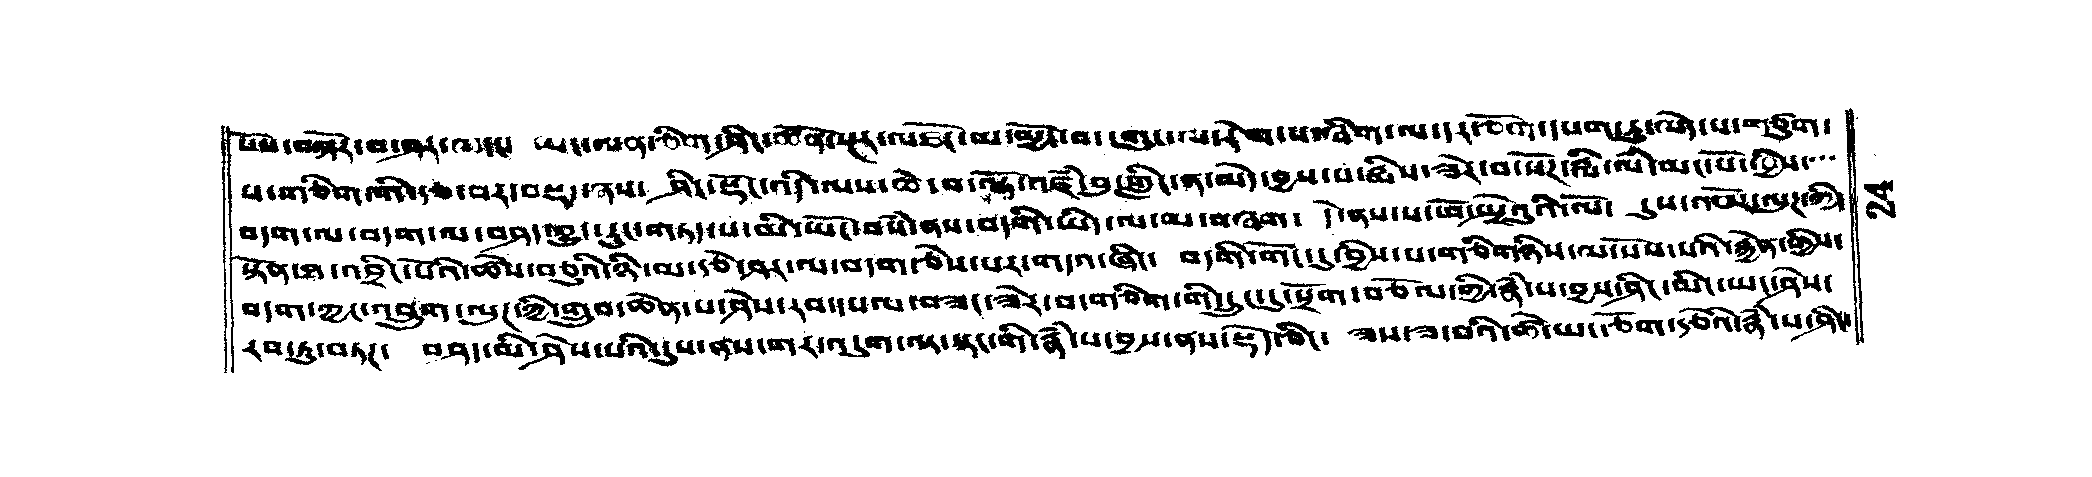པོས་བསྐོར་བ་ཤར་བ་དང་། ཡང་ལན་གཅིག་ཤིང་ཆེན་པོ་སྔར་མཐོང་མ་མྱོང་བ་གུང་ལ་རེག་པ་ཞིག་ལ་དར་ཅོག་དཔག་ཏུ་མེད་པ་གཙུགས་
པ་གཅིག་གི་རྩ་བར་བསྡད་ནས། །ཤིང་སྡོང་འདི་ལས་ཆེ་བ་ལྷོ་ཛམ་བུ་གླིང་ན་མེད་བྱས་པ་རྨིས་ཟེར་བ་སོགས་རྨི་ལམ་མང་པོ་ཕྱིས་
བདག་ལ་བཤད་བྱུང་རུང་གཏད་པ་མི་ཡོང་བསམ་ནས་བདག་གི་ཡིད་ལ་མ་བཞག དེ་ནས་ས་ཕོ་སྤྲེའུའི་ལོ། དུས་འཁོར་ལུགས་ཀྱི་
སྟོན་ཐ་འབྲིང་པོའི་ཚེས་བཅུའི་ཉི་མ་རྩེ་ཤར་ལ་བདག་བཙས་པར་གདའ་ཞིང་། བདག་གི་གོང་དུ་བྱིས་པ་གཅིག་གཉིས་མ་སོས་པའི་རྐྱེན་གྱིས་
བདག་ཀྱང་འབྲུག་ལུགས་ཀྱི་གྲུབ་ཆེན་པ་ཤེས་རབ་དཔལ་བཟང་ཟེར་བ་ཞིག་གི་དྲུང་དུ་སྲོག་བཅོལ་གྱི་རྣམ་པ་བྱས་ཤིང་མིང་ཡང་ཤེས་
རབ་ཏུ་བཏགས། བཤད་མི་ཤེས་པའི་དུས་ནས་གར་འདུག་ལྟ་སྟངས་ཀྱི་རྣམ་པ་བྱས་ནས་སྡོད་ཅིང་། ཟས་ཟ་བའི་ཚེ་ཡང་ཅོག་རྩེའི་རྣམ་པ་ཤིང་